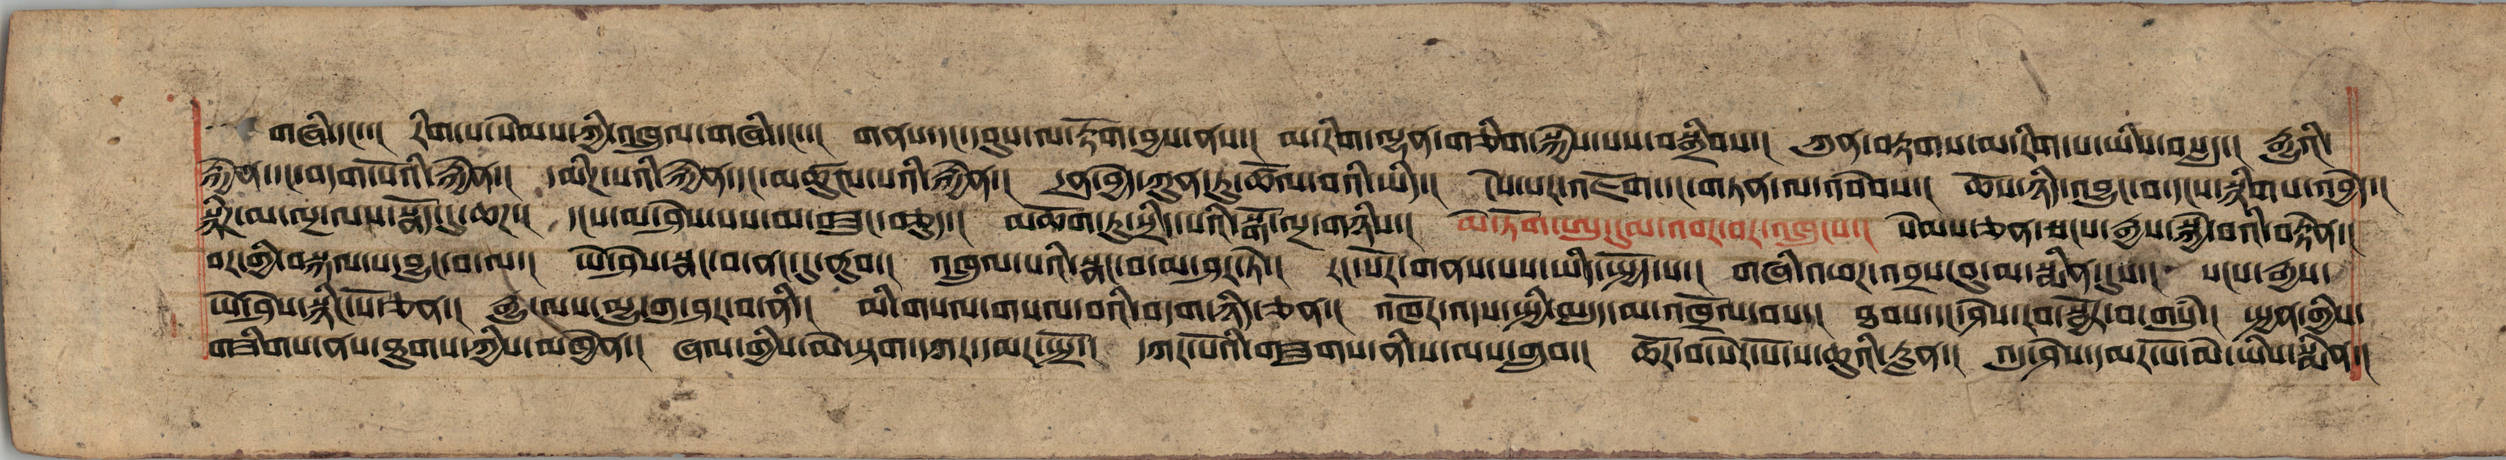གཞི་དང་་། རིག་པ་སེམས་ཀྱི་འཁྲུལ་གཞི་དང་་། གནས་དང་དབུས་ལ་རྟོག་བྱས་ནས་། མ་རིག་ལྷན་གཅིག་སྐྱེས་པས་བསྒྲིབས་། ཀུན་བརྟགས་མ་རིག་པ་ཡིས་བསླད་། རྒྱུའི་
རྐྱེན་དང་བདག་པོའི་རྐྱེན་། དམིཌ་པའི་རྐྱེན་དང་མཚུངས་པའི་རྐྱེན་། དྲན་བྱེད་ཀུན་ཏུ་ཚོལ་བའི་ཡིད་། ངེས་པར་འཇོག་དང་གཏན་ལ་འབེབས་། ཆོས་ཉིད་འབྱུང་བ་དངས་སྙིགས་འབྱེད་།
སྙིཌ་མ་ལྔ་ལས་སྣོད་དུ་ཆཌ་། དངས་མ་ཤེས་པས་མ་བཟུང་བཅུད་། མཆོག་ཏུ་སྲིད་པའི་སྒོ་ལྔ་གཉིས་། མེ་ཏོག་ཨུ་དུམ་འབར་བར་འཁྲུངས་། སེམས་ཅན་སངས་རྒྱས་སྐྱེ་བའི་བརྟེན་།
བར་གྱི་བསྐལ་པ་བྱུང་བ་ལ་། ཡེ་ཤེས་སྣང་བ་ནང་དུ་ནུབ་། འཁྲུལ་པའི་སྣང་བ་མ་ཤར་ཏེ་། རང་པོར་གནས་པས་ཡིད་སྤྱོད་པ་། གཞི་འཕཌ་འབྲས་བུ་མ་སྨིན་དུག། སངས་རྒྱས
ཡེ་ཤེས་སྙིང་པོ་ཅན་། རྒྱུ་ལས་མྱུ་གུ་ཤར་བ་ནི་། མི་གསལ་གསལ་བའི་བདག་ཉིད་ཅན་། འཁོར་འདས་སྤྱི་མདུད་མ་འཁྲོལ་བས་། ཐབས་དང་ཤེས་རབ་སྦྱོར་བ་གསུཾ་། སྤྱན་གྱིས་
གཟིགས་ནས་ཐུགས་ཀྱིས་མཁྱེན་། ཞལ་གྱིས་མེ་སྟག་དཀར་དམར་སྤྲོ་། དཀར་པོའི་གཟུགས་ནི་ས་ལས་གྲུབ་། ཚོར་བ་སེར་པོ་ས་ཆུའི་རླན་། འདུ་ཤེས་དམར་པོ་མེ་ཡིས་སྨིན་།